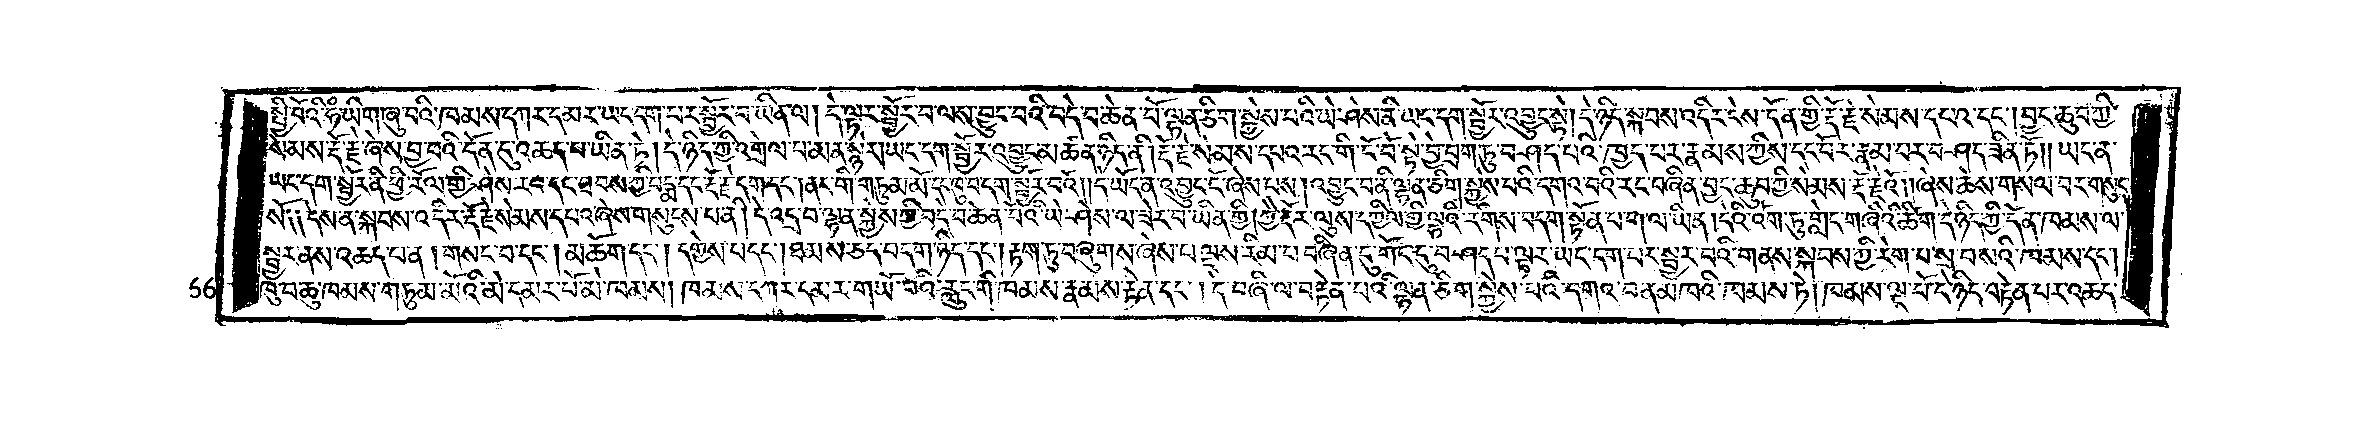སྤྱི་བོའི་ཧཾ་ཡིག་ཞུ་བའི་ཁམས་དཀར་དམར་ཡང་དག་པར་སྦྱོར་བ་ཡིན་ལ། དེ་ལྟར་སྦྱོར་བ་ལས་བྱུང་བའི་བདེ་བ་ཆེན་པོ་ལྷན་ཅིག་སྐྱེས་པའི་ཡེ་ཤེས་ནི་ཡང་དག་སྦྱོར་འབྱུང་སྟེ། དེ་ཉིད་སྐབས་འདིར་ངེས་དོན་གྱི་རྡོ་རྗེ་སེམས་དཔའ་དང་། བྱང་ཆུབ་ཀྱི་
སེམས་རྡོ་རྗེ་ཞེས་བྱ་བའི་དོན་དུ་འཆད་པ་ཡིན་ཏེ། དེ་ཉིད་ཀྱི་འགྲེལ་བ་མན་སྙེར། ཡང་དག་སྦྱོར་འབྱུང་མཚན་ཉིད་ནི། རྡོ་རྗེ་སེམས་དཔའ་རང་གི་ངོ་བོ་སྟེ་བྱེ་བྲག་ཏུ་བསཧད་པའི་ཁྱད་པར་རྣམས་ཀྱིས་དང་པོར་རྣམ་པར་བཤད་ཟིན་ཏོ། །ཡང་ན་
ཡང་སྦྱོར་ནི་ཕྱི་རོལ་གྱི་ཤེས་རབ་དང་ཐབས་ཀྱི་པདྨ་དང་རྡོ་རྗེ་དག་དང་། ནང་གི་གཏུམ་མོ་དང་ཁུ་བ་དག་སྦྱོར་བའོ། །དེ་ཡོད་ན་འབྱུང་ངོ་ཞེས་པས། འབྱུང་བ་ནི་ལྷན་ཅིག་སྐྱེས་པའི་དགའ་བའི་རང་བཞིན་བྱང་ཆུབ་ཀྱི་སེམས་རྡོ་རྗེའོ། །ཞེས་ཆེས་གསལ་བར་གསུང་
སོ༑ ༑དེས་ན་སྐབས་འདིར་རྡོ་རྗེ་སེམས་དཔའ་ཞེས་གསུངས་པ་ནི། དེ་འདྲ་ལྷན་སྐྱེས་ཀྱི་བདེ་བ་ཆེན་པོའི་ཡེ་ཤེས་ལ་ཟེར་བ་ཡིན་གྱི། ཀྱཻ་རྡོར་ལུས་དཀྱིལ་གྱི་ལྷའི་རིགས་བདག་སྟོན་པ་ག་ལ་ཡིན། དེའི་འོག་ཏུ་གླེང་གཞིའི་ཚིག་དེ་ཉིད་ཀྱི་དོན་ཁམས་ལ་
སྦྱར་ནས་འཆད་པ་ན། གསང་བ་དང་། མཆོག་དང་། དགྱེས་པ་དང་། ཐམས་ཅད་བདག་ཉིད་དང་། རྟག་ཏུ་བཞུགས་ཞེས་པ་ལྔས་རིམ་པ་བཞིན་དུ་གོང་དུ་བཤད་པ་ལྟར་ཡང་དག་པར་སྦྱར་བའི་གནས་སྐབས་ཀྱི་རེག་པ་སྲ་བ་སའི་ཁམས་དང་།
ཁུ་བ་ཆུ་ཁམས་གཏུམ་མོའི་མེ་དམར་པོ་མེ་ཁམས། ཁམས་དཀར་དམར་གཡོ་བའི་རླུང་གི་ཁམས་རྣམས་རྟེན་དང་། དེ་བཞི་ལ་བརྟེན་པའི་ལྷན་ཅིག་སྐྱེས་པའི་དགའ་བ་ནམ་མཁའི་ཁམས་ཏེ། ཁམས་ལྔ་པོ་དེ་ཉིད་བརྟེན་པར་འཆད་